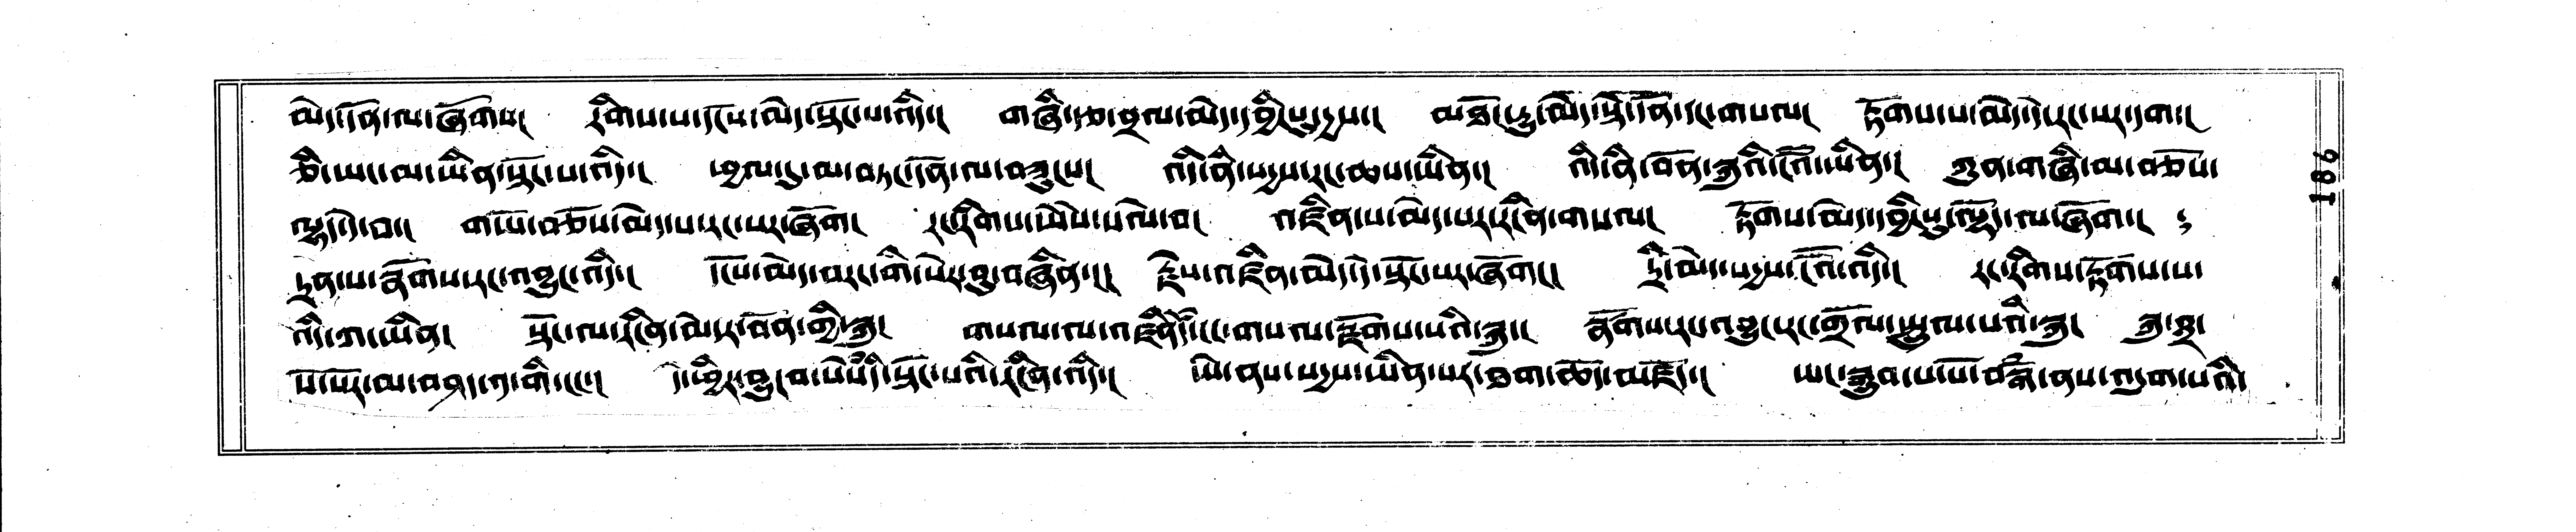མེད་ངག་ལ་ཞོག རིག་པ་དངོས་མེད་སྟོང་པ་འདི། གཞི་རྩ་བྲལ་ཏེ་དབྱིངས་སུ་རྒྱས། མཐོང་རྒྱུ་མེད་དེ་དོན་དུ་གསལ། རྟོག་པ་‘‘མེད་དེ་”རང་སར་དག 
ཅི་ཡང་མ་ཡིན་སྟོང་པ་འདི། ཕྱལ་དུ་མི་བཏང་དོན་ལ་བཟུང་། འདི་ནི་སངས་རྒྱས་རང་ཆས་ཡིན། འདི་ནི་བོན་སྐུའི་ངོའོ་ཡིན། ཀུན་གཞི་མ་བཅོས་
ལྷོད་དེ་བྲལ། གཡོ་བཅོས་མེད་པར་རང་སར་ཞོག རང་རིག་ཡེ་ཤེས་སལེ་བ། འཛིན་པ་མེད་པར་རང་བཞིན་གསལ། རྟོགས་མེད་ངང་དུ་ལྷོད་ལ་ཞོག 
དྲན་པ་སྣ་ཚོགས་རང་འབྱུང་འདི། དངོས་མེད་བར་སྣང་གི་སེར་བུ་བཞིན། རྗེས་འཛིན་མེད་སྟེ་སྟོང་པར་ཞོག དྲི་མེད་སངས་རྒྱས་ངོའོ་ཡིན། རང་རིག་སྟོང་པ་
འདི་ཀ་ཡིན། སྟོང་ལ་རང་བཞིན་མེད་པ་བོན་གྱི་སྐུ། གསལ་ལ་འཛིན་མེད་ངང་གསལ་རྫོགས་པའི་སྐུ། སྣ་ཚོགས་རང་འབྱུང་རང་གྲོལ་སྤྲུལ་པའི་སྐུ། སྐུ་གསུམ་
སོ་སོར་མ་བཤད་ཅིག་གིས་ངང། དེ་ཕྱིར་བྱང་ཆུབ་སེམས་ཉིད་སྟོང་པའི་རང་བཞིན་འདི། ཡེ་ནས་སངས་རྒྱས་ཡིན་པར་ཐག་ཆོད་མཛོད། ཡང་བསྒྲུབ་པ་པོ་སྒོམ་ནས་འདུག་པའི་